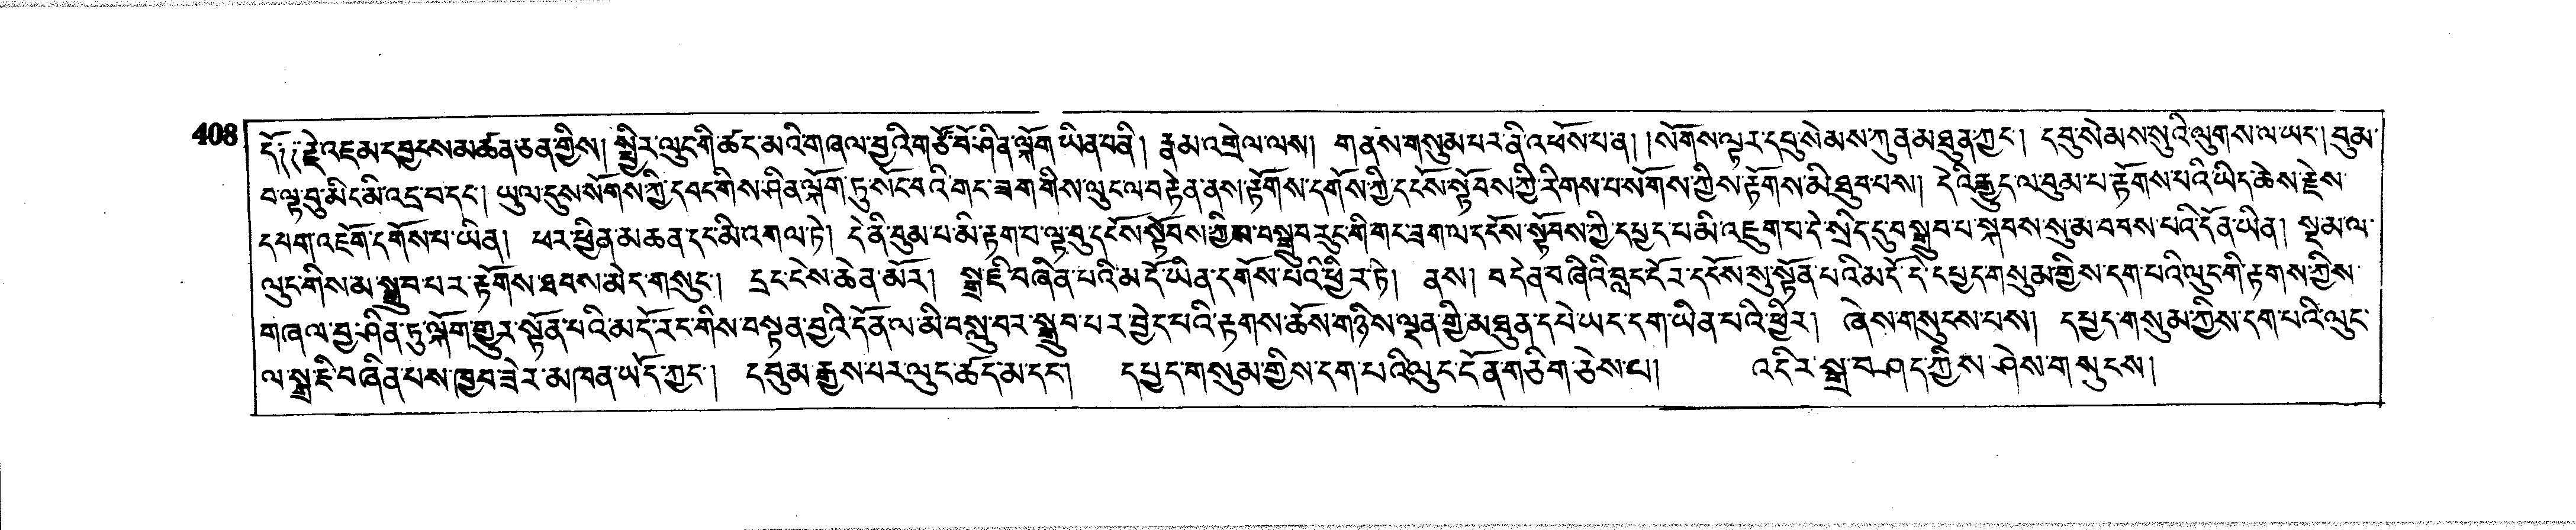དོ༑ ༑རྗེ་འཇམ་དབྱངས་མཚན་ཅན་གྱིས། སྤྱིར་ལུང་གི་ཚང་མའི་གཞལ་བྱའི་གཙོ་བོ་ཤིན་ལྐོག་ཡིན་པ་ནི། རྣམ་འགྲེལ་ལས། གནས་གསུམ་པར་ནི་འཕོས་པ་ན། །སོགས་ལྟར་དབུ་སེམས་ཀུན་མཐུན་ཀྱང་། དབུ་སེམས་སུའི་ལུགས་ལ་ཡང་། བུམ་
བ་ལྟ་བུ་མིང་མི་འདྲ་བ་དང་། ཡུལ་དུས་སོགས་ཀྱི་དབང་གིས་ཤིན་ལྐོག་ཏུ་སོང་བའི་གང་ཟག་གིས་ལུང་ལ་བརྟེན་ནས་རྟོགས་དགོས་ཀྱི་དངོས་སྟོབས་ཀྱི་རིགས་པ་སོགས་ཀྱིས་རྟོགས་མི་ཐུབ་པས། དེའི་རྒྱུད་ལ་བུམ་པ་རྟོགས་པའི་ཡིད་ཆེས་རྗེས་
དཔག་འཇོག་དགོས་པ་ཡིན། ཕར་ཕྱིན་མཆན་དང་མི་འགལ་ཏེ། དེ་ནི་བུམ་པ་མི་རྟག་པ་ལྟ་བུ་དངོས་སྟོབས་ཀྱིས་བསྒྲུབ་རུང་གི་གང་ཟག་ལ་དངོས་སྟོབས་ཀྱི་དཔྱད་པ་མི་འཇུག་པ་དེ་སྲིད་དུ་བསྒྲུབ་པ་སྐབས་སུ་མ་བབས་པའི་དོན་ཡིན། སྔ་མ་ལ་
ལུང་གིས་མ་སྒྲུབ་པར་རྟོགས་ཐབས་མེད་གསུང་། དྲང་ངེས་ཆེན་མོར། སྒྲ་ཇི་བཞིན་པའི་མདོ་ཡིན་དགོས་པའི་ཕྱིར་ཏེ། ནས། བདེན་བཞིའི་བླང་དོར་དངོས་སུ་སྟོན་པའི་མདོ་དེ་དཔྱད་གསུམ་གྱིས་དག་པའི་ལུང་གི་རྟགས་ཀྱིས་
གཞལ་བྱ་ཤིན་ཏུ་ལྐོག་གྱུར་སྟོན་པའི་མདོ་རང་གིས་བསྟན་བྱའི་དོན་ལ་མི་བསླུ་བར་སྒྲུབ་པར་བྱེད་པའི་རྟགས་ཆོས་གཉིས་ལྡན་གྱི་མཐུན་དཔེ་ཡང་དག་ཡིན་པའི་ཕྱིར། ཞེས་གསུངས་པས། དཔྱད་གསུམ་གྱིས་དག་པའི་ལུང་
ལ་སྒྲ་ཇི་བཞིན་པས་ཁྱབ་ཟེར་མཁན་ཡོད་ཀྱང་། དབུ་མ་རྒྱས་སྤར་ལུང་ཚད་མ་དང་། དཔྱད་གསུམ་གྱིས་དག་པའི་ལུང་དོན་གཅིག་ཅེས་པ། འདིར་སྒྲ་བཤད་ཀྱིས་ཤེས་གསུངས།